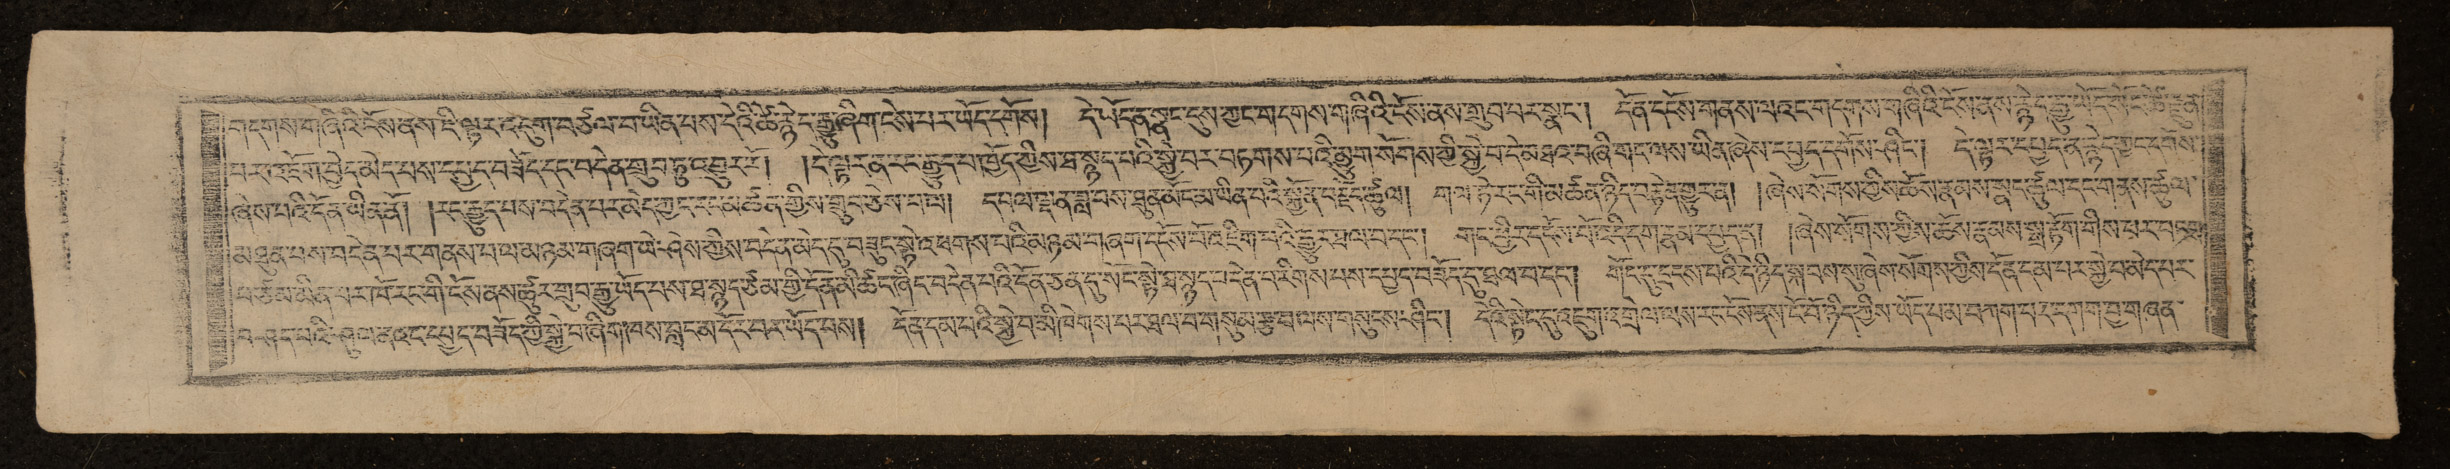གདགས་གཞིའི་ངོས་ནས་ཇི་ལྟར་འདུག་བཙལ་བ་ཡིན་པས་དེའི་ཚེ་རྙེད་རྒྱུ་ཞིག་ངེས་པར་ཡོད་དགོས། དེ་ཡོད་ན་སྣང་དུས་ཀྱང་གདགས་གཞིའི་ངོས་ནས་གྲུབ་པར་སྣང་། དོན་དངོས་གནས་ལའང་གདགས་གཞིའི་ངོས་ནས་རྙེད་རྒྱུ་ཡོད་སོང་ཚེ་རྫུན་
བར་འཇོག་བྱེད་མེད་པས་དཔྱད་བཟོད་དང་བདེན་གྲུབ་ཏུ་འགྱུར་རོ། །དེ་ལྟར་ན་རང་རྒྱུད་པ་ཁྱོད་ཀྱིས་ཐ་སྙད་པའི་སྐྱེ་བར་བཏགས་པའི་མྱུག་སོགས་ཀྱི་སྐྱེ་བ་དེ་མཐའ་བཞི་གང་ལས་ཡིན་ཞེས་དཔྱད་དགོས་ཤིང་། དེ་ལྟར་དཔྱད་ན་རྙེད་ཀྱང་དགོས་
ཞེས་པའི་དོན་ཡིན་ནོ། །རང་རྒྱུད་པས་བདེན་པར་མེད་ཀྱང་རང་མཚན་གྱིས་གྲུབ་ཅེས་པ་ལ། དཔལ་ལྡན་ཟླ་བས་ཐུན་མོང་མ་ཡིན་པའི་སྐྱོན་བརྗོད་ཚུལ། གལ་ཏེ་རང་གི་མཚན་ཉིད་བརྟེན་གྱུར་ན། །ཞེས་སོགས་ཀྱིས་ཆོས་རྣམས་སྣང་ཚུལ་དང་གནས་ཚུལ་
མཐུན་པས་བདེན་པར་གནས་པ་ལ་མཉམ་གཞག་ཡེ་ཤེས་ཀྱིས་བདེན་མེད་དུ་བཟུང་སྟེ་འཕགས་པའི་མཉམ་གཞག་དངོས་པོ་འཇིག་པའི་རྒྱུར་ཐལ་བ་དང་། གང་ཕྱིར་དངོས་པོ་འདི་དག་རྣམ་དཔྱད་ན། །ཞེས་སོགས་ཀྱིས་ཆོས་རྣམས་སྒྲ་རྟོག་གིས་ཕར་བཏགས་
པ་ཙམ་མིན་པར་ཁོ་རང་གི་ངོས་ནས་ཚུར་གྲུབ་རྒྱུ་ཡོད་པས་ཐ་སྙད་ཙམ་གྱི་དོན་མི་ཚང་ཞིང་བདེན་པའི་དོན་ཅན་དུ་སོང་སྟེ་ཐ་སྙད་བདེན་པ་རིགས་པས་དཔྱད་བཟོད་དུ་ཐལ་བ་དང་། གོང་དུ་དྲངས་པའི་དེ་ཉིད་སྐབས་སུ་ཞེས་སོགས་ཀྱིས་དོན་དམ་པར་སྐྱེ་བ་མེད་པར་
བཤད་པའི་ཤུལ་ནའང་དཔྱད་བཟོད་ཀྱི་སྐྱེ་བ་ཞིག་ཁས་བླང་མདོར་བར་ཡོད་པས། དོན་དམ་པའི་སྐྱེ་བ་མི་ཁེགས་པར་ཐལ་བ་གསུམ་རྩ་བ་ལས་གསུངས་ཤིང་། དེའི་སྟེང་དུ་འཇུག་འགྲེལ་ལས་རང་ངོས་ནས་ངོ་བོ་ཉིད་ཀྱིས་ཡོད་པ་མ་བཀག་པར་དགག་བྱ་གཞན་